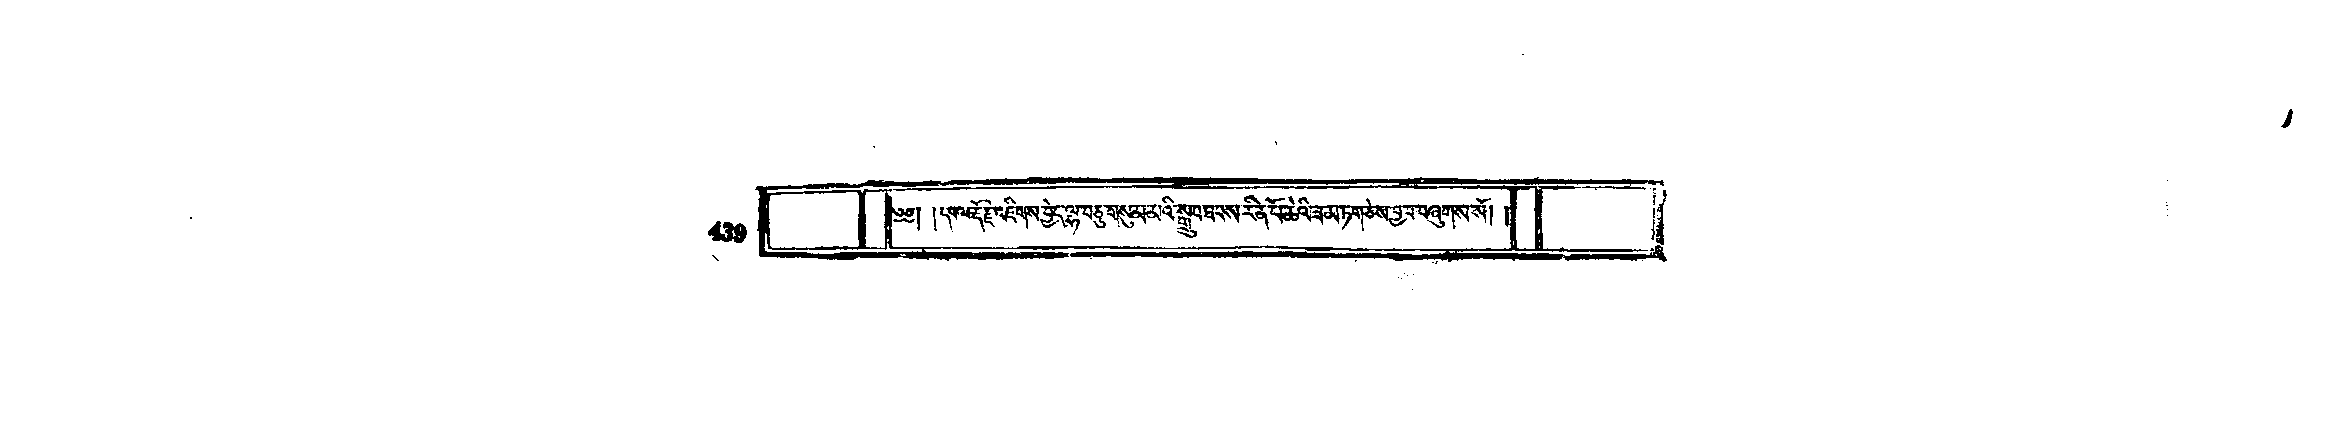༄༅། །དཔལ་རྡོ་རྗེ་འཇིགས་བྱེད་ལྷ་བཅུ་གསུམ་མའི་སྒྲུབ་ཐབས་རིན་པོ་ཆེའི་ཟ་མ་ཏོག་ཅེས་བྱ་བ་བཞུགས་སོ། །